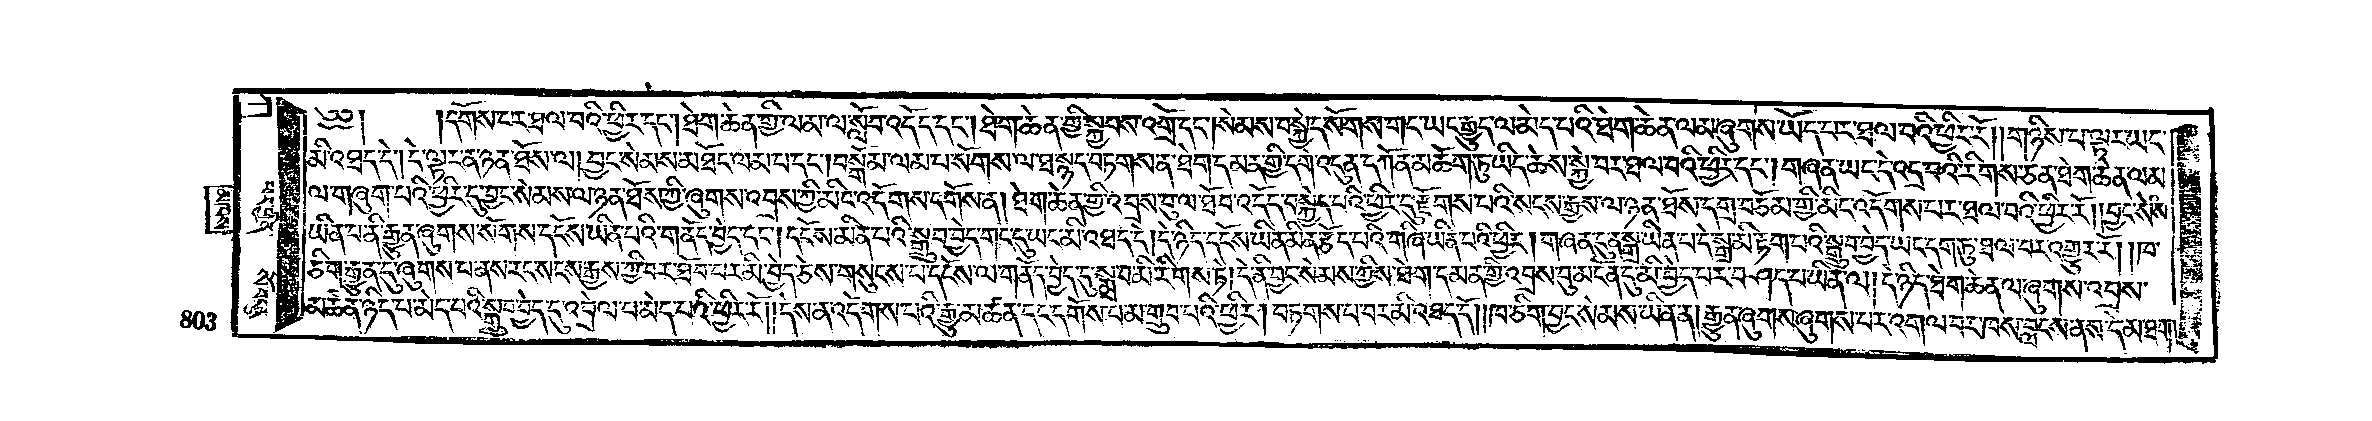༄༅། །དགོས་པར་ཐལ་བའི་ཕྱིར་དང་། ཐེག་ཆེན་གྱི་ལམ་ལ་སློབ་འདོད་དང་། ཐེག་ཆེན་གྱི་སྐྱབས་འགྲོ་དང་། སེམས་བསྐྱེད་སོགས་གང་ཡང་རྒྱུད་ལ་མེད་པའི་ཐེག་ཆེན་ལམ་ཞུགས་ཡོད་པར་ཐལ་བའི་ཕྱིར་རོ། །གཉིས་པ་ལྟར་ཡང་
མི་འཐད་དེ། དེ་ལྟར་ན་ཉན་ཐོས་ལ། བྱང་སེམས་མཐོང་ལམ་པ་དང་། བསྒོམ་ལམ་པ་སོགས་ལ་ཐ་སྙད་བཏགས་ན་ཐེག་དམན་གྱི་དགེ་འདུན་དཀོན་མཆོག་ཏུ་ཡིད་ཆེས་སྐྱེ་བར་ཐལ་བའི་ཕྱིར་དང་། གཞན་ཡང་དེ་འདྲ་བའི་རིགས་ཅན་ཐེག་ཆེན་ལམ་
ལ་གཞུག་པའི་ཕྱིར་དུ་བྱང་སེམས་ལ་ཉན་ཐོས་ཀྱི་ཞུགས་འབྲས་ཀྱི་མིང་འདོགས་དགོས་ན། ཐེག་ཆེན་གྱི་འབྲས་བུ་ལ་ཐོབ་འདོད་བསྐྱེད་པའི་ཕྱིར་དུ་རྫོགས་པའི་སངས་རྒྱས་ལ་ཉན་ཐོས་དགྲ་བཅོམ་གྱི་མིང་འདོགས་པར་ཐལ་བའི་ཕྱིར་རོ། །བྱང་སེམས་
ཡིན་པ་ནི་རྒྱུན་ཞུགས་སོགས་དངོས་ཡིན་པའི་གནོད་བྱེད་དང་། དངོས་མིན་པའི་སྒྲུབ་བྱེད་གང་དུ་ཡང་མི་འཐད་དེ། དེ་ཉིད་དངོས་ཡིན་མིན་རྩོད་པའི་གཞི་ཡིན་པའི་ཕྱིར། གཞན་དུ་ན་སྒྲ་ཡིན་པ་དེ་སྒྲ་མི་རྟག་པའི་སྒྲུབ་བྱེད་ཡང་དག་ཏུ་ཐལ་བར་འགྱུར་རོ། །ཁ་
ཅིག་རྒྱུན་དུ་ཞུགས་པ་ནས་རང་སངས་རྒྱས་ཀྱི་བར་ཐོབ་པར་མི་བྱེད་ཅེས་གསུངས་པ་དངོས་ལ་གནོད་བྱེད་དུ་སྨྲ་བ་མི་རིགས་ཏེ། དེ་ནི་བྱང་སེམས་གྱིས་ཐེག་དམན་གྱི་འབྲས་བུ་མངོན་དུ་མི་བྱེད་པར་བཤད་པ་ཡིན་ལ། དེ་ཉིད་ཐེག་ཆེན་ལ་ཞུགས་འབྲས་
མཚན་ཉིད་པ་མེད་པའི་སྒྲུབ་བྱེད་དུ་འབྲེལ་པ་མེད་པའི་ཕྱིར་རོ། །དེས་ན་འདོགས་པའི་རྒྱུ་མཚན་དང་དགོས་པ་མ་གྲུབ་པའི་ཕྱིར། བཏགས་པ་བར་མི་འཐད་དོ། །ཁ་ཅིག་བྱང་སེམས་ཡིན་ན། རྒྱུན་ཞུགས་ཞུགས་པར་འགལ་བར་ཁས་བླངས་ནས་དེ་མ་ཐག་